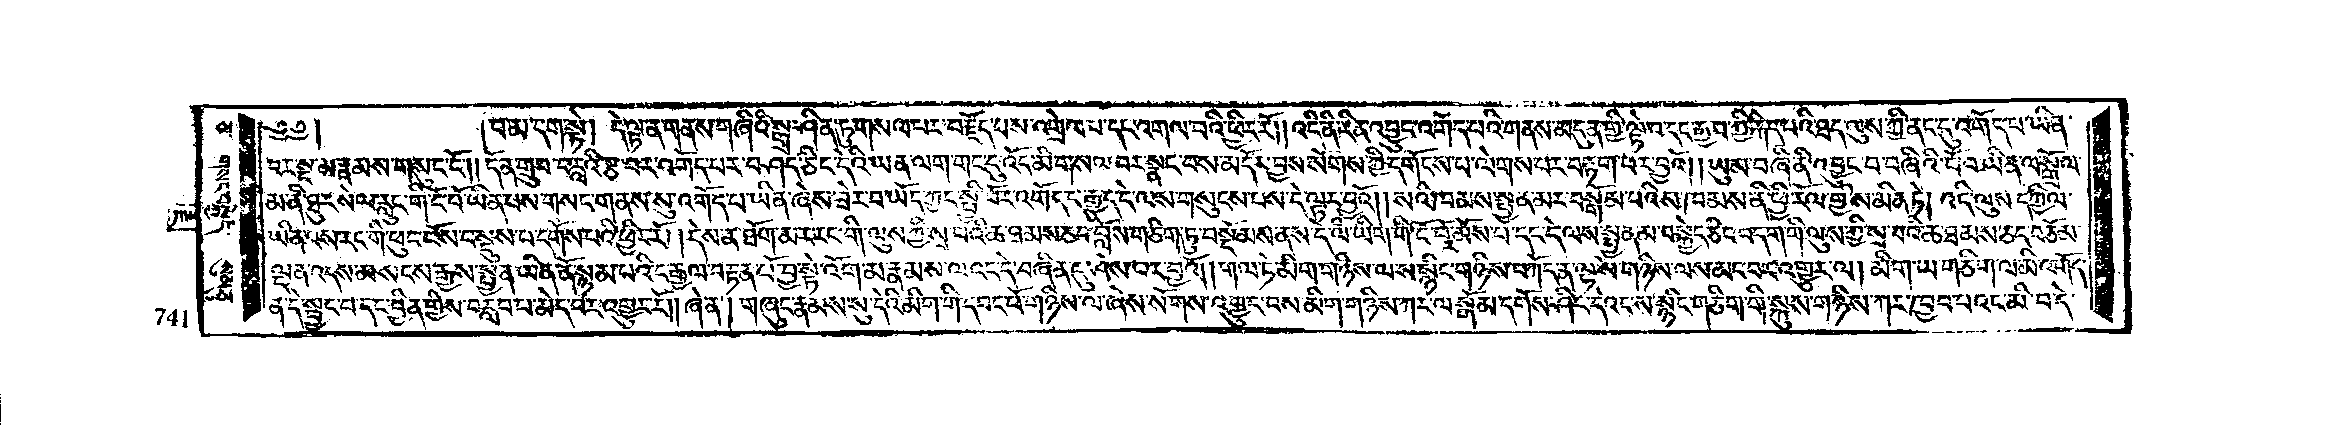༄༅། །བ་མ་དག་སྟེ། དེ་ལྟ་ན་གནས་གཞིའི་སྒྲ་ཤིན་ཏུ་གསལ་པར་བརྗོད་པས་འགྲེལ་པ་དང་འགལ་བའི་ཕྱིར་རོ། །འདི་ནི་རིན་འབྱུང་འགོད་པའི་གནས་མདུན་གྱི་ལྟེ་བ་དང་རྒྱབ་ཀྱི་རྐེད་པའི་ཐད་ལུས་ཀྱི་ནང་དུ་འགོད་པ་ཡིན་
པར་སྔ་མ་རྣམས་གསུང་ངོ། །དོན་གྲུབ་བརླའི་རྩ་བར་འགོད་པར་བཤད་ཅིང་དེའི་ཡན་ལག་གང་དུ་འོད་མི་གསལ་བར་སྣང་བས་མདོར་བྱས་སོགས་ཀྱི་དགོངས་པ་ལེགས་པར་བརྟག་པར་བྱའོ། །ཡུམ་བཞི་ནི་འབྱུང་བ་བཞིའི་ངོ་བོ་ཡིན་ལ་སྒྲོལ་
མ་ནི་ཐུར་སེལ་རླུང་གི་ངོ་བོ་ཡིན་པས་གསང་གནས་སུ་འགོད་པ་ཡིན་ཞེས་ཟེར་བ་ཡོད་ཀྱང་སྤྱི་བོར་འགོད་པ་རྒྱུད་དེ་ལས་གསུངས་པས་དེ་ལྟར་བྱའོ། །སའི་ཁམས་སྤྱན་མར་བསྒོམ་པའི་ས་ཁམས་ནི་ཕྱི་རོལ་གྱིས་མིན་ཏེ། འདི་ལུས་དཀྱིལ་
ཡིན་པས་རང་གི་ཕུང་པོས་བསྡུས་པ་དགོས་པའི་ཕྱིར་རོ། །དེས་ན་ཐོག་མར་རང་གི་ལུས་ཀྱི་སྲ་བའི་ཆ་ཐམས་ཅད་བློས་གཅིག་ཏུ་བསྡོམས་ནས་དེ་ལཾ་ཡིག་གི་ངོ་བོར་མོས་པ་དང་དེ་ལས་སྤྱན་མ་བསྐྱེད་ཅིང་བདག་གི་ལུས་ཀྱི་སྲ་བའི་ཆ་ཐམས་ཅད་བཅོམ་
ལྡན་འདས་མ་སངས་རྒྱས་སྤྱན་ཡིན་ནོ་སྙམ་པའི་ང་རྒྱལ་བརྟན་པོ་བྱ་སྟེ་འོག་མ་རྣམས་ལའང་དེ་བཞིན་དུ་ཤེས་པར་བྱའོ། །གལ་ཏེ་མིག་གཉིས་ལས་སྙིང་གཉིས་བཀོད་ན་ལྷ་སོ་གཉིས་ལས་མང་བར་འགྱུར་ལ། མིག་ཡ་གཅིག་ལ་མི་འགོད་
ན་དེ་སྦྱང་བ་དང་བྱིན་གྱིས་བརླབ་པ་མེད་པར་འགྱུར་རོ། །ཞེ་ན། གཞུང་རྣམས་སུ་དེའི་མིག་གི་དབང་པོ་གཉིས་ལ་ཞེས་སོགས་འབྱུང་བས་མིག་གཉིས་ཀར་ལ་སྒོམ་དགོས་ཤིང་དེའང་ས་སྙིང་གཅིག་གི་སྐུས་གཉིས་ཀར་ཁྱབ་པའང་མི་བདེ་